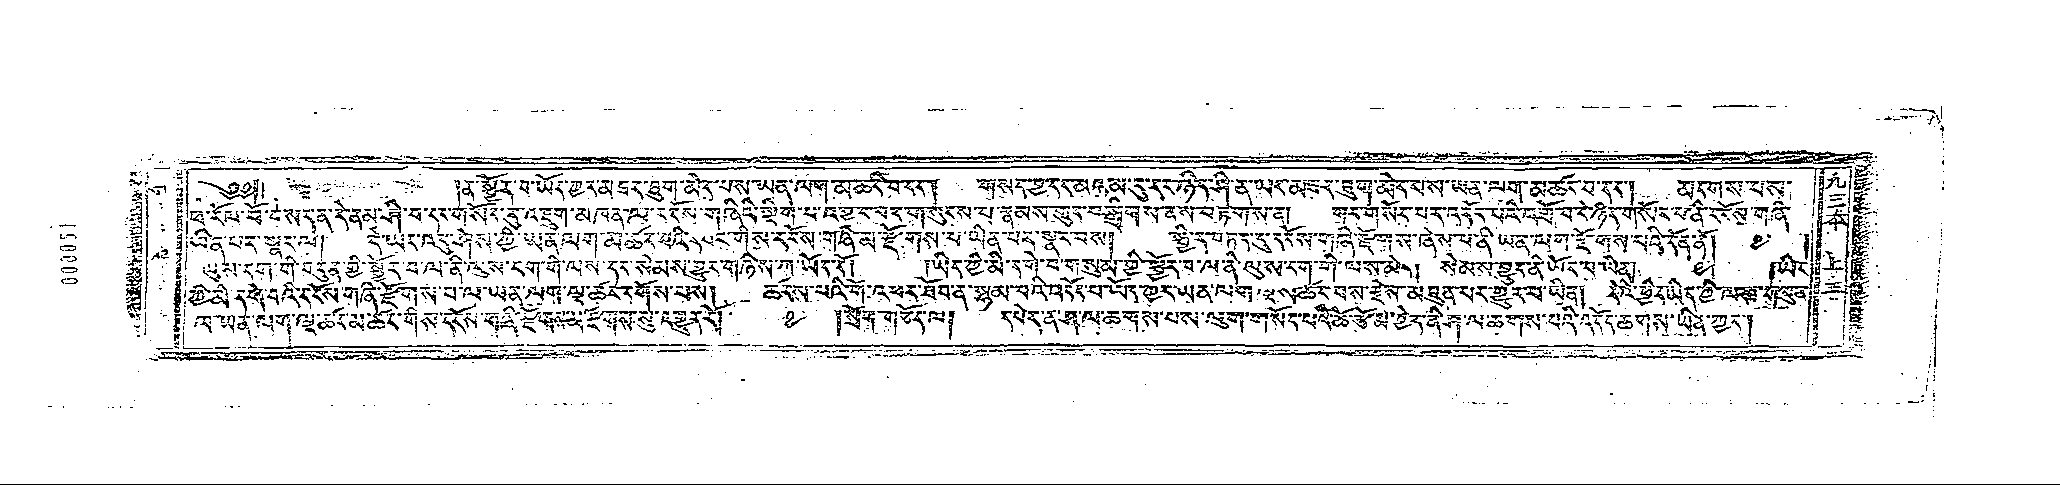༄༅། །ན་སྦྱོར་བ་ཡོད་ཀྱང་མཐར་ཐུག་མེད་པས་ཡན་ལག་མཚད་བ་དང་། གསད་བྱ་དད་མཉམ་དུ་རང་ཉིད་ཤིན་ཡད་མཐར་ཐུག་མེད་པས་ཡན་ལག་མ་ཚད་བ་དང་། མདགས་པས་
ཕ་རོལ་བོ་བསད་ན་དེ་ནམ་ཤི་བ་དད་གསོད་དུ་འཇུག་མཁན་ལ་དངོས་གཞིའི་སྡིག་པ་འབྱུང་བར་གསུངས་པ་རྣམས་གུད་བསྒྲིགས་ནས་བརྟགས་ན། གང་གསོད་པར་འདོང་པའི་འགྲོ་བ་དེ་ཉིད་གསོད་པ་ནི་དངོས་གཞི་
ཡིན་པར་སྣང་ལ། དེ་ཡང་འདུ་ཤེས་ཀྱི་ཡན་ལག་མཚང་བའི་དབང་གིས་དངོས་གཞི་མ་རྫོགས་པ་ཡིན་པར་སྣང་བས། སྦྱིར་བཏང་དུ་དངོས་གཞི་རྫོགས་ཞེས་པ་ནི་ཡན་ལག་རྫོགས་པའི་དོན་ནོ། ༧་།
ལུས་དག་གི་བདུན་གྱི་སྦྱོར་བ་ལ་ནི་ལུས་དག་གི་ལས་དང་སེམས་བྱུང་གཉིས་ཀ་ཡོད་དོ། །ཡིད་ཀྱི་མི་དགེ་བ་གསུམ་གྱི་སྦྱོར་བ་ལ་ནི་ལུས་དག་གི་ལས་མེད། སེམས་བྱུང་ནི་ཡོད་བ་ཡིན། ༧་།ཡིད་
ཀྱི་མི་དགེ་བའི་དངོས་གཞི་རྫོགས་པ་ལ་ཡན་ལག་ལྔ་ཚང་དགོས་པས། ཚངས་པའི་གོ་འཕང་ཐོབ་ན་སྙམ་པའི་འདོད་པ་ཡོད་ཀྱང་ཡན་ལག་ལྔ་མཚད་བས་རྗེས་མཐུན་བར་གྱུར་བ་ཡིན། དའི་ཕྱིར་ཡིད་ཀྱི་ལས་གསུམ་
ལ་ཡན་ལག་ལྔ་ཚད་མ་ཚད་གིས་དངོས་གཞི་རྫོགས་མ་རྫོགས་སུ་འགྱུར་རོ། ༧་།སྲོག་གཅོད་ལ། དཔེར་ན་ཤ་ལ་ཆགས་པས་ལུག་གསོད་པའི་ཚེ་རྩོམ་བྱེད་ནི་ཤ་ལ་ཆགས་པའི་འདོད་ཆགས་ཡིན་ཀྱང་།